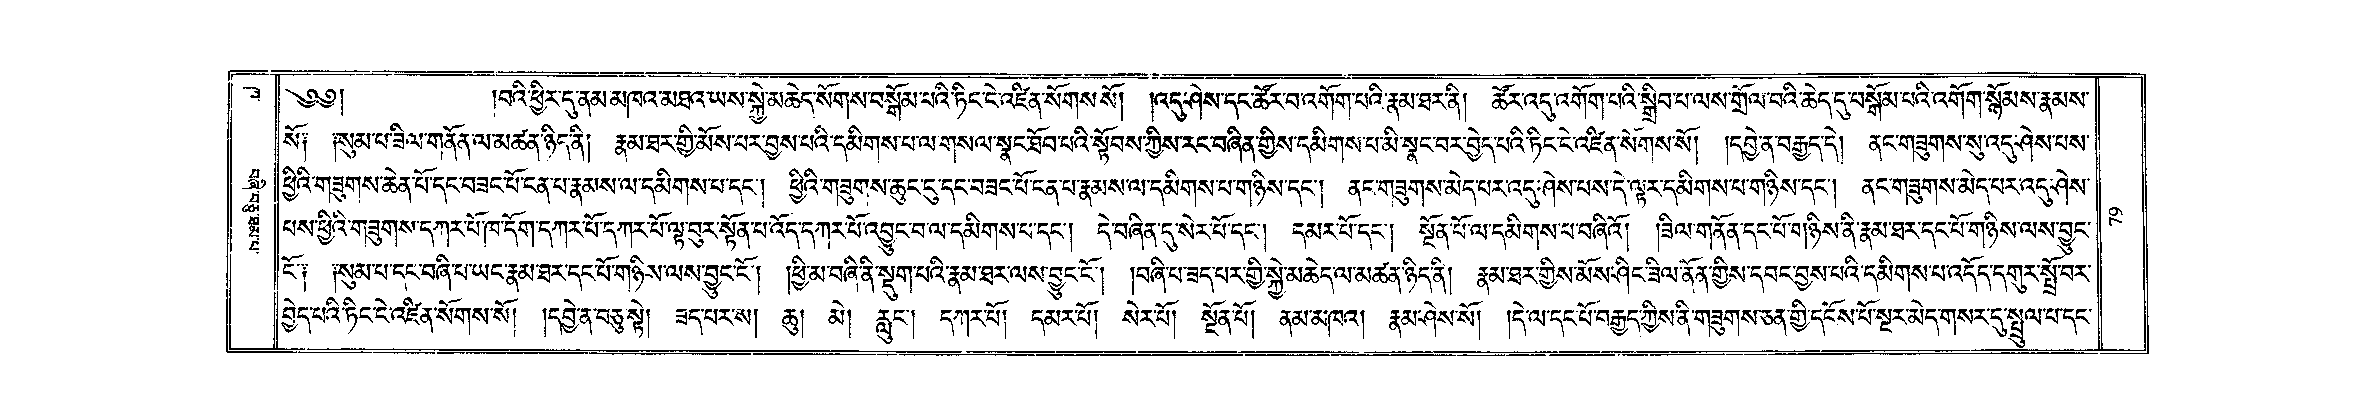༄༅། །བའི་ཕྱིར་དུ་ནམ་མཁའ་མཐའ་ཡས་སྐྱེ་མཆེད་སོགས་བསྒོམ་པའི་ཏིང་ངེ་འཛིན་སོགས་སོ། །འདུ་ཤེས་དང་ཚོར་བ་འགོག་པའི་རྣམ་ཐར་ནི། ཚོར་འདུ་འགོག་པའི་སྒྲིབ་པ་ལས་གྲོལ་བའི་ཆེད་དུ་བསྒོམ་པའི་འགོག་སྙོམས་རྣམས་
སོ༑ ༑སུམ་པ་ཟིལ་གནོན་ལ་མཚན་ཉིད་ནི། རྣམ་ཐར་གྱི་མོས་པར་བྱས་པའི་དམིགས་པ་ལ་གསལ་སྣང་ཐོབ་པའི་སྟོབས་ཀྱིས་རང་བཞིན་གྱིས་དམིགས་པ་མི་སྣང་བར་བྱེད་པའི་ཏིང་ངེ་འཛིན་སོགས་སོ། །དབྱེ་ན་བརྒྱད་དེ། ནང་གཟུགས་སུ་འདུ་ཤེས་པས་
ཕྱིའི་གཟུགས་ཆེན་པོ་དང་བཟང་པོ་ངན་པ་རྣམས་ལ་དམིགས་པ་དང་། ཕྱིའི་གཟུགས་ཆུང་ངུ་དང་བཟང་པོ་ངན་པ་རྣམས་ལ་དམིགས་པ་གཉིས་དང་། ནང་གཟུགས་མེད་པར་འདུ་ཤེས་པས་དེ་ལྟར་དམིགས་པ་གཉིས་དང་། ནང་གཟུགས་མེད་པར་འདུ་ཤེས་
པས་ཕྱིའི་གཟུགས་དཀར་པོ་ཁ་དོག་དཀར་པོ་དཀར་པོ་ལྟ་བུར་སྟོན་པ་འོད་དཀར་པོ་འབྱུང་བ་ལ་དམིགས་པ་དང་། དེ་བཞིན་དུ་སེར་པོ་དང་། དམར་པོ་དང་། སྔོན་པོ་ལ་དམིགས་པ་བཞིའོ། །ཟིལ་གནོན་དང་པོ་གཉིས་ནི་རྣམ་ཐར་དང་པོ་གཉིས་ལས་བྱུང་
ངོ༑ ༑སུམ་པ་དང་བཞི་པ་ཡང་རྣམ་ཐར་དང་པོ་གཉིས་ལས་བྱུང་ངོ། །ཕྱི་མ་བཞི་ནི་སྡུག་པའི་རྣམ་ཐར་ལས་བྱུང་ངོ། །བཞི་པ་ཟད་པར་གྱི་སྐྱེ་མཆེད་ལ་མཚན་ཉིད་ནི། རྣམ་ཐར་གྱིས་མོས་ཤིང་ཟིལ་ནོན་གྱིས་དབང་བྱས་པའི་དམིགས་པ་འདོད་དགུར་སྤྲོ་བར་
བྱེད་པའི་ཏིང་ངེ་འཛིན་སོགས་སོ། །དབྱེ་ན་བཅུ་སྟེ། ཟད་པར་ས། ཆུ། མེ། རླུང་། དཀར་པོ། དམར་པོ། སེར་པོ། སྔོན་པོ། ནམ་མཁའ། རྣམ་ཤེས་སོ། །དེ་ལ་དང་པོ་བརྒྱད་ཀྱིས་ནི་གཟུགས་ཅན་གྱི་དངོས་པོ་སྔར་མེད་གསར་དུ་སྤྲུལ་པ་དང་